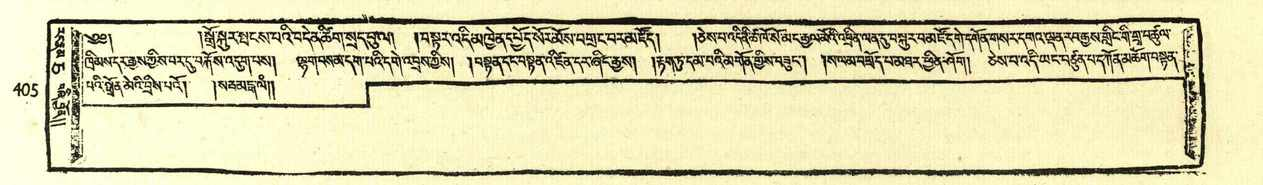༄༅། །སྒྲོ་སྐུར་སྤངས་པའི་བདེན་ཚིག་སྲད་བུལ། །བསྟར་འདི་མཁྱེན་དཔྱོད་སོར་མོས་བགྲང་བར་མཛོད། །ཅེས་པ་འདི་ནི་ཚ་ཁོ་སོ་མང་རྒྱལ་མོའི་འཕྲིན་ལན་དུ་བསྐུར་བ་མཛོ་དགེ་དགོན་གསར་དགའ་ལྡན་རབ་རྒྱས་གླིང་གི་གྲྭ་པ་ཚུལ་
ཁྲིམས་དར་རྒྱས་ཀྱིས་བར་དུ་བརྐོས་འདུག་པས། ལྷག་བསམ་དག་པའི་དགེ་འབྲས་ཀྱིས། །བསྟན་དང་བསྟན་འཛིན་དར་ཞིང་རྒྱས། །རྟག་ཏུ་དམ་པའི་མགོན་གྱིས་བཟུང་། །ས་ལམ་བགྲོད་པ་མཐར་ཕྱིན་ཤོག། ཅེས་པ་འདི་ཡང་བཙུན་པ་དཀོན་མཆོག་བསྟན་པའི་སྒྲོན་མེའི་བྲིས་པའོ། །སརྦམངྒ་ལཾ།།